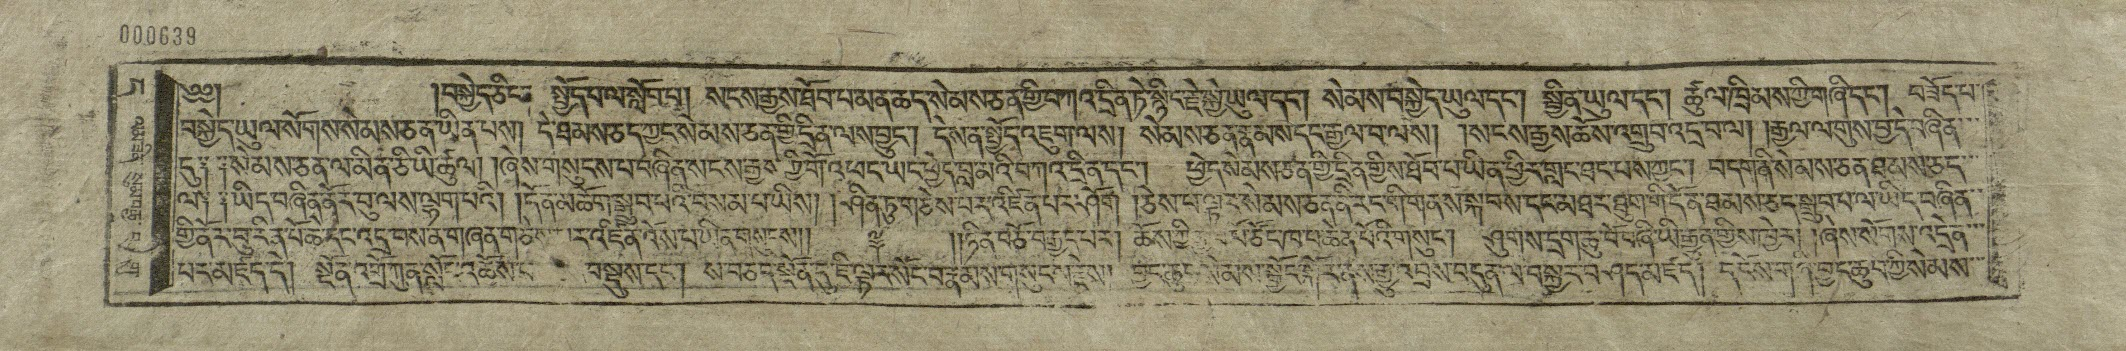༄༅། །བསྐྱེད་ཅིང་། སྤྱོད་པ་ལ་སློབ་པ། སངས་རྒྱས་ཐོབ་པ་མན་ཆད་སེམས་ཅན་གྱི་བཀའ་དྲིན་ཏེ་སྙིང་རྗེ་སྐྱེ་ཡུལ་དང་། སེམས་བསྐྱེད་ཡུལ་དང་། སྦྱིན་ཡུལ་དང་། ཚུལ་ཁྲིམས་ཀྱི་གཞི་དང་། བཟོད་པ་
བསྐྱེད་ཡུལ་སོགས་སེམས་ཅན་ཡིན་པས། དེ་ཐམས་ཅད་ཀྱང་སེམས་ཅན་གྱི་དྲིན་ལས་བྱུང་། དེས་ན་སྤྱོད་འཇུག་ལས། སེམས་ཅན་རྣམས་དང་རྒྱལ་བ་ལས། །སངས་རྒྱས་ཆོས་འགྲུབ་འདྲ་བ་ལ། །རྒྱལ་ལ་གུས་བྱ་དེ་བཞིན་
དུ༑ ༑སེམས་ཅན་ལ་མིན་ཅི་ཡི་ཚུལ། །ཞེས་གསུངས་པ་བཞིན་སངས་རྒྱས་ཀྱི་གོ་འཕང་ཡང་ཕྱེད་བླ་མའི་བཀའ་དྲིན་དང་། ཕྱེད་སེམས་ཅན་གྱི་དྲིན་གྱིས་ཐོབ་པ་ཡིན་ཕྱིར་གླང་ཐང་པས་ཀྱང་། བདག་ནི་སེམས་ཅན་ཐམས་ཅད་
ལ༑ ༑ཡིད་བཞིན་ནོར་བུ་ལས་ལྷག་པའི། །དོན་མཆོག་སྒྲུབ་པའི་བསམ་པ་ཡིས། །ཤིན་ཏུ་གཅེས་པར་འཛིན་པར་ཤོག་ཅེས་པ་ལྟར་སེམས་ཅན་ནི་རང་གི་གནས་སྐབས་དང་མཐར་ཐུག་གི་དོན་ཐམས་ཅད་སྒྲུབ་པ་ལ་ཡིད་བཞིན་
གྱི་ནོར་བུ་རིན་པོ་ཆེ་དང་འདྲ་བས་ན་གཞན་གཅེས་པར་འཛིན་འོས་པ་ཡིན་གསུངས།། ༈ །།ཉིན་བཅོ་བརྒྱད་པར། ཆོས་ཀྱི་རྒྱལ་པོ་ཙོང་ཁ་པ་ཆེན་པོའི་གསུང་། ཤུགས་དྲག་ཆུ་བོ་བཞི་ཡི་རྒྱུན་གྱིས་ཁྱེར། །ཞེས་སོགས་འདྲེན་
པར་མཛད་དེ། སྔོན་འགྲོ་ཀུན་སློང་འཆོས་པ་མདོར་བསྡུས་དང་། ས་བཅད་སྔོན་དུ་ཇི་ལྟར་སོང་བ་རྣམས་གསུངས་རྗེས། བྱང་ཆུབ་སེམས་སྦྱོང་སྐོར་ནས་རྒྱུ་འབྲས་བདུན་ལ་བསྐྱར་བཤད་མཛད། དངོས་གཞི་བྱང་ཆུབ་ཀྱི་སེམས་